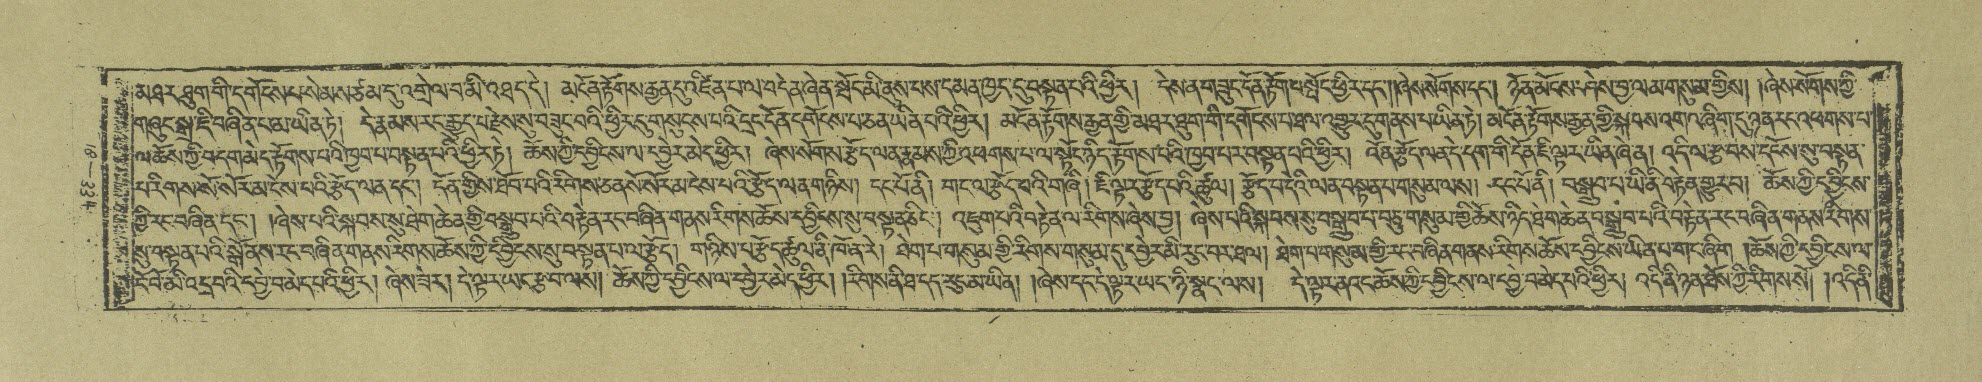མཐར་ཐུག་གི་དགོངས་པ་སེམས་ཙམ་དུ་འགྲེལ་བ་མི་འཐད་དེ། མངོན་རྟོགས་རྒྱན་དུ་འཛིན་པ་ལ་བདེན་ཞེན་སྤོང་མི་ནུས་པས་དམན་ཁྱད་དུ་བསྟན་པའི་ཕྱིར། དེས་ན་གཟུང་དོན་རྟོག་པ་སྤོང་ཕྱིར་དང་། །ཞེས་སོགས་དང་། ཉོན་མོངས་ཤེས་བྱ་ལམ་གསུམ་གྱིས། །ཞེས་སོགས་ཀྱི་
གཞུང་སྒྲ་ཇི་བཞིན་པ་མ་ཡིན་ཏེ། དེ་རྣམས་རང་རྒྱུད་པ་རྗེས་སུ་བཟུང་བའི་ཕྱིར་དུ་གསུངས་པའི་དྲང་དོན་དགོངས་པ་ཅན་ཡིན་པའི་ཕྱིར། མངོན་རྟོགས་རྒྱན་གྱི་མཐར་ཐུག་གི་དགོངས་པ་ཐལ་འགྱུར་དུ་གནས་པ་ཡིན་ཏེ། མངོན་རྟོགས་རྒྱན་གྱི་སྐབས་འགའ་ཞིག་དུ་ཉན་རང་འཕགས་པ་
ལ་ཆོས་ཀྱི་བདག་མེད་རྟོགས་པའི་ཁྱབ་པ་བསྟན་པའི་ཕྱིར་ཏེ། ཆོས་ཀྱི་དབྱིངས་ལ་དབྱེར་མེད་ཕྱིར། ཞེས་སོགས་རྩོད་ལན་རྣམས་ཀྱི་འཕགས་པ་ལ་སྟོང་ཉིད་རྟོགས་པའི་ཁྱབ་པར་བསྟན་པའི་ཕྱིར། འོ་ན་རྩོད་ལན་དེ་དག་གི་དོན་ཇི་ལྟར་ཡིན་ཞེ་ན། འདི་ལ་རྩ་བས་དངོས་སུ་བསྟན་
པ་རིགས་སོ་སོར་མ་ངེས་པའི་རྩོད་ལན་དང་། དོན་གྱིས་ཐོབ་པའི་རིགས་ཅན་སོ་སོར་མ་ངེས་པའི་རྩོད་ལན་གཉིས། དང་པོ་ནི། གང་ལ་རྩོད་པའི་གཞི། ཇི་ལྟར་རྩོད་པའི་ཚུལ། རྩོད་པ་དེའི་ལན་བསྟན་པ་གསུམ་ལས། དང་པོ་ནི། བསྒྲུབ་པ་ཡི་ནི་བརྟེན་གྱུར་པ། ཆོས་ཀྱི་དབྱིངས་
ཀྱི་རང་བཞིན་དང་། །ཞེས་པའི་སྐབས་སུ་ཐེག་ཆེན་གྱི་བསྒྲུབ་པའི་བརྟེན་རང་བཞིན་གནས་རིགས་ཆོས་དབྱིངས་སུ་བསྟན་ཅིང་། འཇུག་པའི་བརྟེན་ལ་རིགས་ཞེས་བྱ། ཞེས་པའི་སྐབས་སུ་བསྒྲུབ་པ་བཅུ་གསུམ་གྱི་ཆོས་ཉིད་ཐེག་ཆེན་བསྒྲུབ་པའི་བརྟེན་རང་བཞིན་གནས་རིགས་
སུ་བསྟན་པའི་སྒོ་ནས་རང་བཞིན་གནས་རིགས་ཆོས་ཀྱི་དབྱིངས་སུ་བསྟན་པ་ལ་རྩོད། གཉིས་པ་རྩོད་ཚུལ་ནི་ཁོ་ན་རེ། ཐེག་པ་གསུམ་གྱི་རིགས་གསུམ་དུ་དབྱེར་མི་རུང་བར་ཐལ། ཐེག་པ་གསུམ་གྱི་རང་བཞིན་གནས་རིགས་ཆོས་དབྱིངས་ཡིན་པ་གང་ཞིག །ཆོས་ཀྱི་དབྱིངས་ལ་
ངོ་བོ་མི་འདྲ་བའི་དབྱེ་བ་མེད་པའི་ཕྱིར། ཞེས་ཟེར། དེ་ལྟར་ཡང་རྩ་བ་ལས། ཆོས་ཀྱི་དབྱིངས་ལ་དབྱེར་མེད་ཕྱིར། །རིགས་ནི་ཐ་དད་རུང་མ་ཡིན། །ཞེས་དང་དེ་ལྟར་ཡང་ཉི་སྣང་ལས། དེ་ལྟར་ནའང་ཆོས་ཀྱི་དབྱིངས་ལ་དབྱེ་བ་མེད་པའི་ཕྱིར། འདི་ནི་ཉན་ཐོས་ཀྱི་རིགས་སོ། །འདི་ནི་